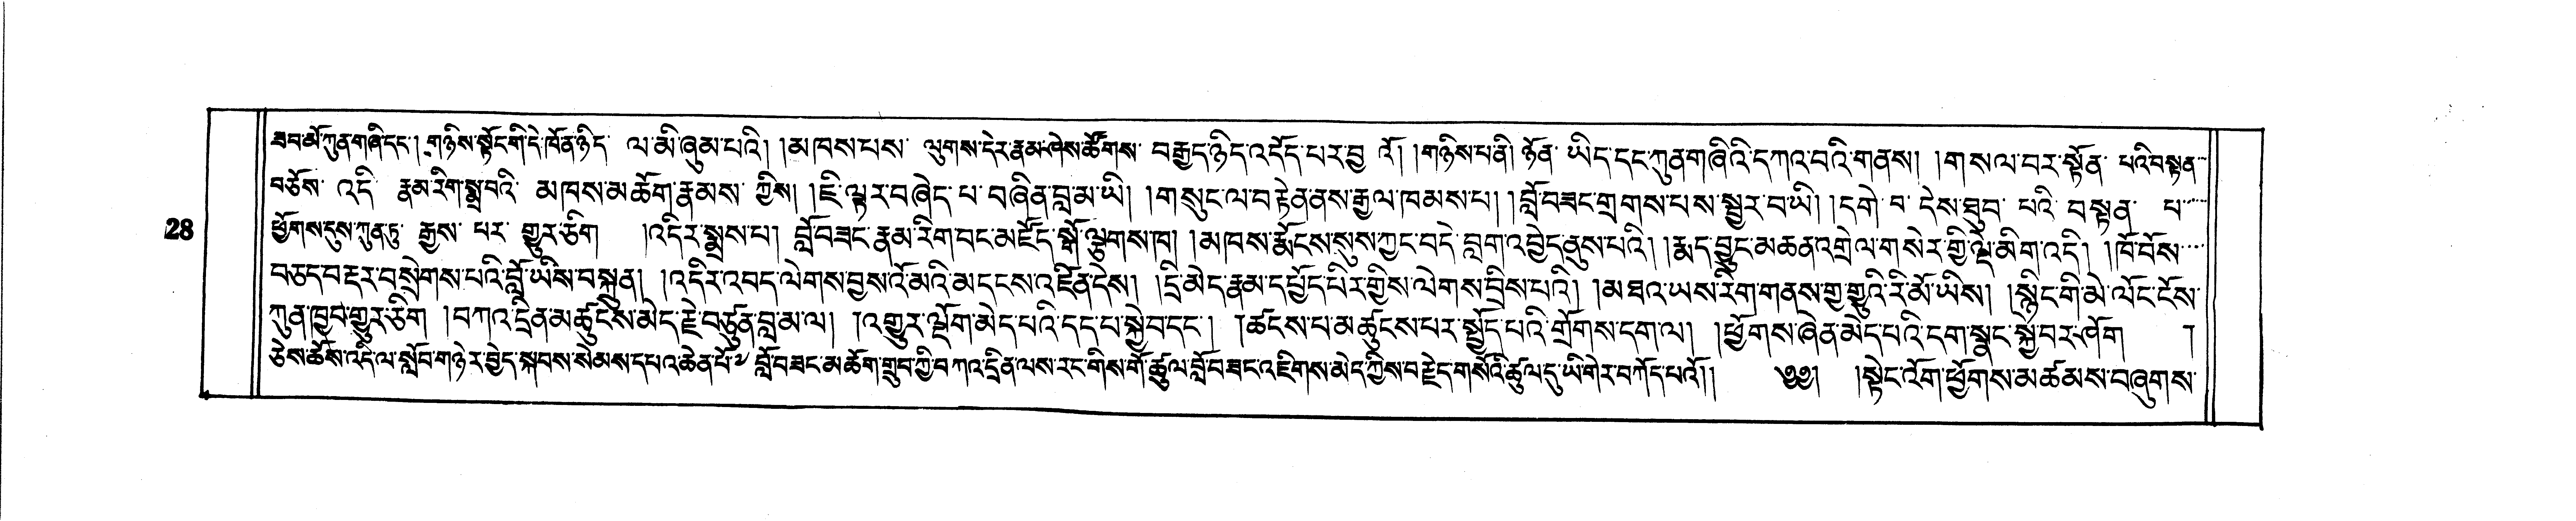ཟབ་མོ་ཀུན་གཞི་དང་། གཉིས་སྟོང་གི་དེ་ཁོ་ན་ཉིད་ལ་མི་ཞུམ་པའི། །མཁས་པས་ལུགས་དེར་རྣམ་ཤེས་ཚོགས་བརྒྱད་ཉིད་འདོད་པར་བྱའོ། །གཉིས་པ་ནི། ཉོན་ཡིད་དང་ཀུན་གཞིའི་དཀའ་བའི་གནས། །གསལ་བར་སྟོན་པའི་བསྟན་
བཅོས་འདི་རྣམ་རིག་སྨྲ་བའི་མཁས་མཆོག་རྣམས་ཀྱིས། །ཇི་ལྟར་བཞེད་པ་བཞིན་བླ་མ་ཡི། །གསུང་ལ་བརྟེན་ནས་རྒྱལ་ཁམས་པ། །བློ་བཟང་གྲགས་པས་སྦྱར་བ་ཡི། །དགེ་བ་དེས་ཐུབ་པའི་བསྟན་པ་
ཕྱོགས་དུས་ཀུན་ཏུ་རྒྱས་པར་གྱུར་ཅིག །འདིར་སྨྲས་པ། བློ་བཟང་རྣམ་རིག་བང་མཛོད་སྒོ་ལྕགས་ཁ། །མཁས་རྨོངས་སུས་ཀྱང་བདེ་བླག་འབྱེད་ནུས་པའི། །རྨད་བྱུང་མཆན་འགྲེལ་གསེར་གྱི་ལྡེ་མིག་འདི། །ཁོ་བོས་
བཅད་བརྡར་བསྲེགས་པའི་བློ་ཡིས་བསྐྲུན། །འདིར་འབད་ལེགས་བྱས་འོ་མའི་མདངས་འཛིན་དེས། །དྲི་མེད་རྣམ་དཔྱོད་པིར་གྱིས་ལེགས་བྲིས་པའི། །མཐའ་ཡས་རིག་གནས་གྱ་གྱུའི་རི་མོ་ཡིས། །སྙིང་གི་མེ་ལོང་ངོས་
ཀུན་ཁྱབ་གྱུར་ཅིག །བཀའ་དྲིན་མཚུངས་མེད་རྗེ་བཙུན་བླ་མ་ལ། །འགྱུར་ལྡོག་མེད་པའི་དད་པ་སྐྱེ་བ་དང་། །ཚངས་པ་མཚུངས་པར་སྤྱོད་པའི་གྲོགས་དག་ལ། །ཕྱོགས་ཞེན་མེད་པའི་དག་སྣང་སྐྱེ་བར་ཤོག །
ཅེས་ཆོས་འདི་ལ་སློབ་གཉེར་བྱེད་སྐབས་སེམས་དཔའ་ཆེན་པོ་༧་བློ་བཟང་མཆོག་གྲུབ་ཀྱི་བཀའ་དྲིན་ལས་རང་གིས་གོ་ཚུལ་བློ་བཟང་འཇིགས་མེད་ཀྱིས་བརྗེད་གསོའི་ཚུལ་དུ་ཡི་གེར་བཀོད་པའོ།། ༄༅། །སྟེང་འོག་ཕྱོགས་མཚམས་བཞུགས་